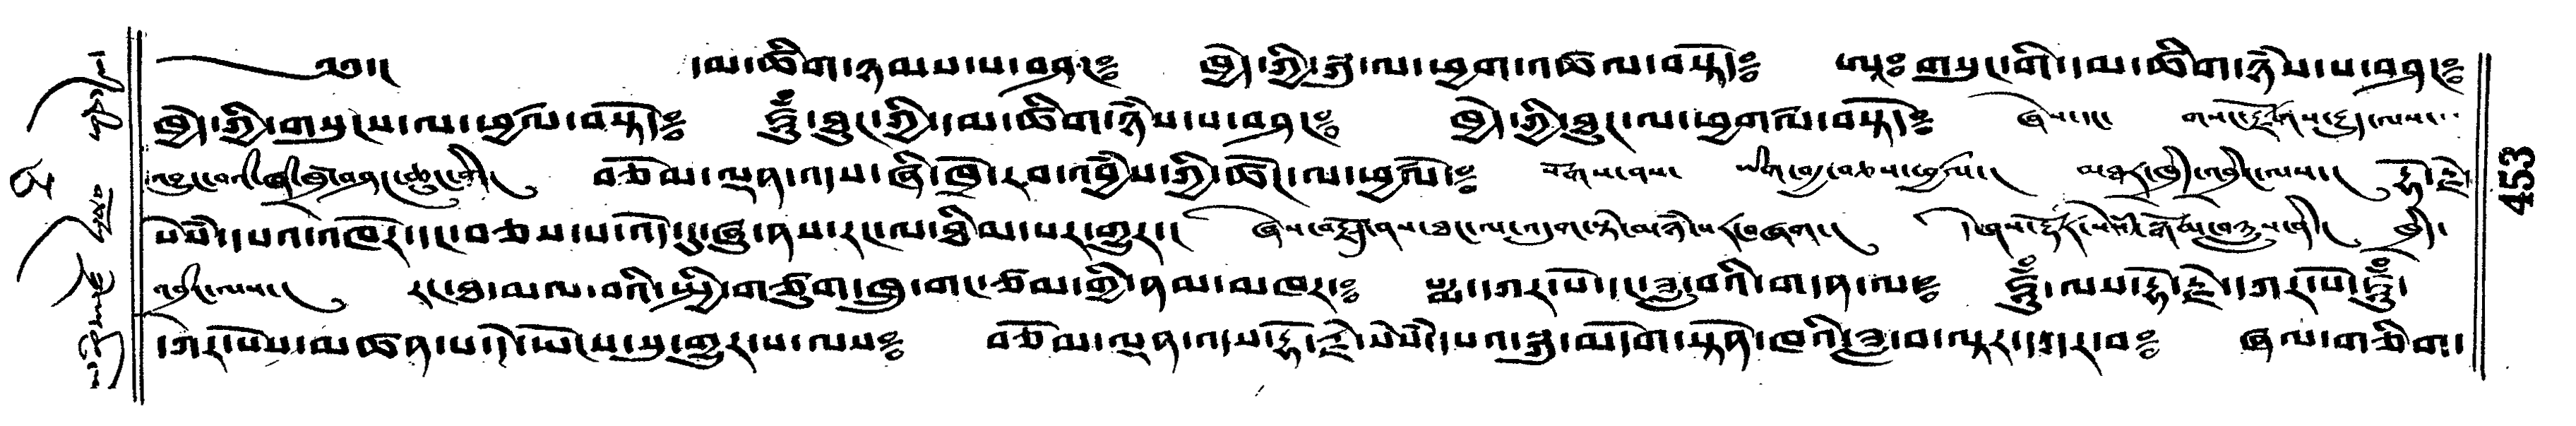དམ་ཚིག་ཉམས་པ་བཤགས༔ ཁྱེད་ཀྱི་སྐུ་ལ་ཕྱག་འཚལ་བསྟོད༔ ཨཱཿགསུང་གི་དམ་ཚིག་ཉམས་པ་བཤགས༔ 
ཁྱེད་ཀྱི་གསུང་ལ་ཕྱག་འཚལ་བསྟོད༔ ཧཱུྃ༔ཐུགས་ཀྱི་དམ་ཚིག་ཉམས་པ་བཤགས༔ ཁྱེད་ཀྱི་ཐུགས་ལ་ཕྱག་འཚལ་བསྟོད༔ ཅེས་དང་། གསང་རྫོགས་རྒྱུད་ལས་
འབྱུང་བའི་ཞི་ཁྲོ་བཤགས་ཆུང་གི བཅོམ་ལྡན་འདས་ཞི་ཁྲོ་རབ་འབྱམས་ཀྱི་ཚོགས་ལ་ཕྱག་འཚལ་ལོ། སོགས་ནས། ཡིག་བརྒྱ་བཅས་ཕྱག་འཚལ། མཐར་ཁྲིད་འབྲིང་ལས། རྡོ་རྗེ་
སེམས་དཔའ་འཁོར་དང་བཅས་པ་འོད་དུ་ཞུ་ནས་རང་ལ་ཐིམ་པར་གྱུར། ཞེས་བརྗོད་ནས་ཐང་ལ་འདུག་སྟེ་མཉམ་པར་བཞག། དེ་ནས་རྡོར་སེམས་སྒོམ་བཟླས་ནི། ཁྲིད་
འབྲིང་ལས། རང་ཐ་མལ་བའི་སྤྱི་གཙུག་ཁྲུ་གང་ཙམ་གྱི་ནམ་མཁར༔ པདྨ་དཀར་པོ་དང་ཟླ་བའི་གདན་ལ༔ ཧཱུྃ་ལས་རྡོ་རྗེ་དཀར་པོ་ཧཱུྃ་
དཀར་པོས་མཚན་པ་དེ་ཡོངས་སུ་གྱུར་པ་ལས༔ བཅོམ་ལྡན་འདས་རྡོ་རྗེ་སེམས་དཔའ་སྐུ་མདོག་སྟོན་ཁའི་ཟླ་བ་ལྟར་དཀར་བ༔ ཞལ་གཅིག་